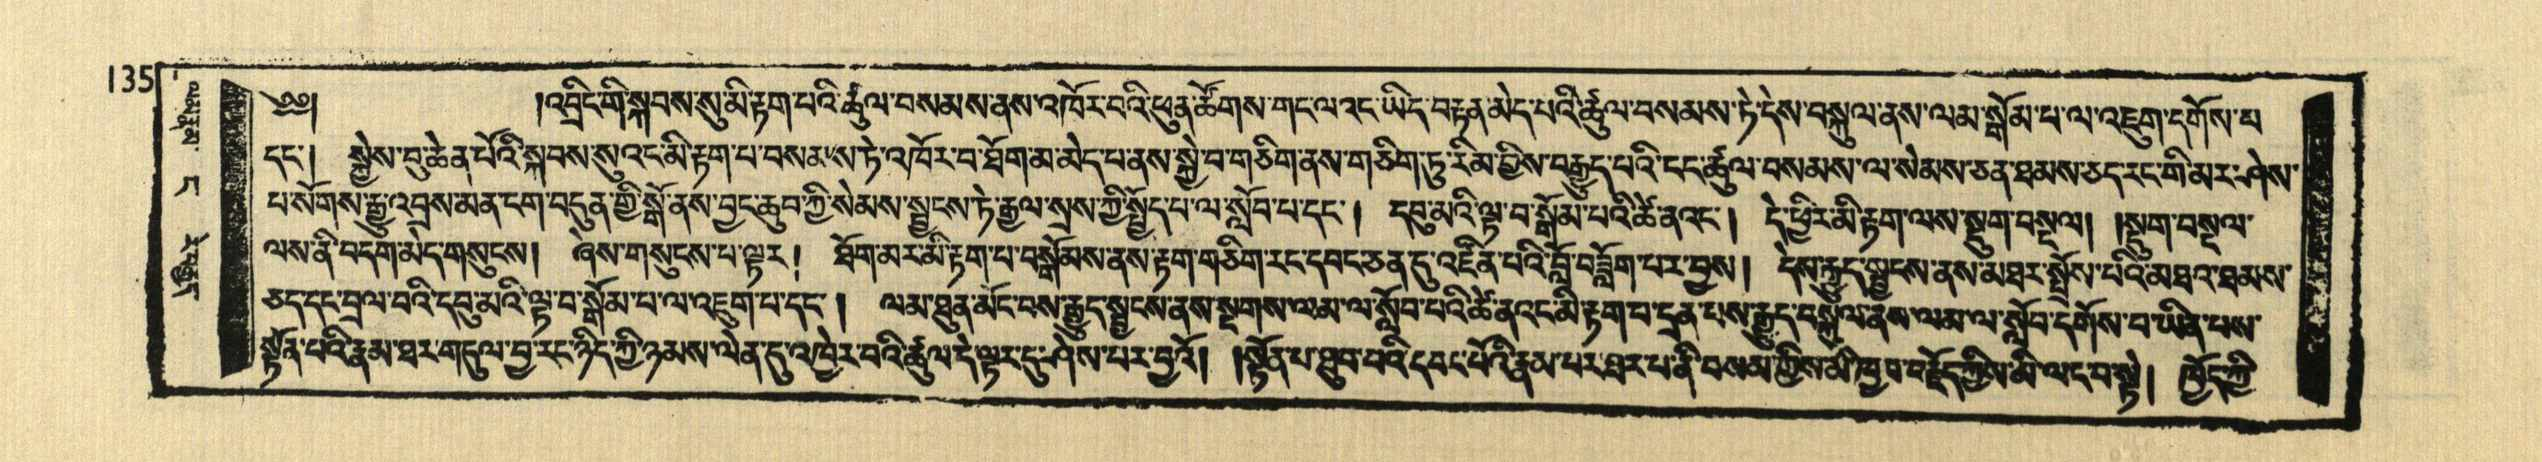༄༅། །འབྲིང་གི་སྐབས་སུ་མི་རྟག་པའི་ཚུལ་བསམས་ནས་འཁོར་བའི་ཕུན་ཚོགས་གང་ལའང་ཡིད་བརྟན་མེད་པའི་ཚུལ་བསམས་ཏེ་དེས་བསྐུལ་ནས་ལམ་སྒོམ་པ་ལ་འཇུག་དགོས་པ་
དང་། སྐྱེས་བུ་ཆེན་པོའི་སྐབས་སུའང་མི་རྟག་པ་བསམས་ཏེ་འཁོར་བ་ཐོག་མ་མེད་པ་ནས་སྐྱེ་བ་གཅིག་ནས་གཅིག་ཏུ་རིམ་གྱིས་བརྒྱུད་པའི་ངང་ཚུལ་བསམས་ལ་སེམས་ཅན་ཐམས་ཅད་རང་གི་མར་ཤེས་
པ་སོགས་རྒྱུ་འབྲས་མན་ངག་བདུན་གྱི་སྒོ་ནས་བྱང་ཆུབ་ཀྱི་སེམས་སྦྱངས་ཏེ་རྒྱལ་སྲས་ཀྱི་སྤྱོད་པ་ལ་སློབ་པ་དང་། དབུ་མའི་ལྟ་བ་སྒོམ་པའི་ཚེ་ནའང་། དེ་ཕྱིར་མི་རྟག་ལས་སྡུག་བསྔལ། །སྡུག་བསྔལ་
ལས་ནི་བདག་མེད་གསུངས། ཞེས་གསུངས་པ་ལྟར། ཐོག་མར་མི་རྟག་པ་བསྒོམས་ནས་རྟག་གཅིག་རང་དབང་ཅན་དུ་འཛིན་པའི་བློ་བཟློག་པར་བྱས། དེས་རྒྱུད་སྦྱངས་ནས་མཐར་སྤྲོས་པའི་མཐའ་ཐམས་
ཅད་དང་བྲལ་བའི་དབུ་མའི་ལྟ་བ་སྒོམ་པ་ལ་འཇུག་པ་དང་། ལམ་ཐུན་མོང་བས་རྒྱུད་སྦྱངས་ནས་སྔགས་ལམ་ལ་སློབ་པའི་ཚེ་ནའང་མི་རྟག་པ་དྲན་པས་རྒྱུད་བསྐུལ་ནས་ལམ་ལ་སློབ་དགོས་པ་ཡིན་པས་
སྟོན་པའི་རྣམ་ཐར་གདུལ་བྱ་རང་ཉིད་ཀྱི་ཉམས་ལེན་དུ་འཁྱེར་བའི་ཚུལ་དེ་ལྟར་དུ་ཤེས་པར་བྱའོ། །སྟོན་པ་ཐུབ་པའི་དབང་པོའི་རྣམ་པར་ཐར་པ་ནི་བསམ་གྱིས་མི་ཁྱབ་བརྗོད་ཀྱིས་མི་ལང་བ་སྟེ། ཁྱོད་ཀྱི་